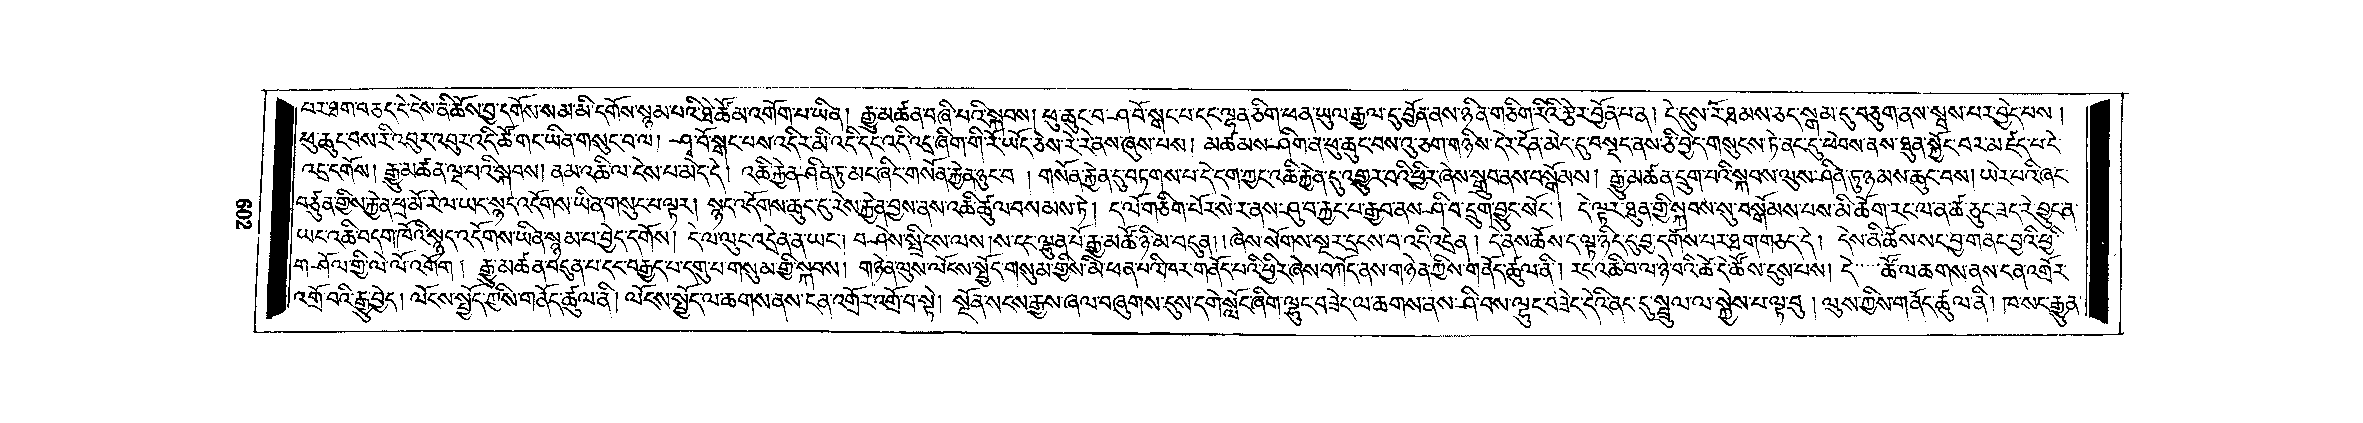པར་ཐག་བཅད་དེ་དེས་ནི་ཆོས་བྱ་དགོས་སམ་མི་དགོས་སྙམ་པའི་ཐེ་ཚོམ་འགོག་པ་ཡིན། རྒྱུ་མཚན་བཞི་པའི་སྐབས། ཕུ་ཆུང་བ་ཤ་བོ་སྒང་པ་དང་ལྷན་ཅིག་ཕན་ཡུལ་རྒྱལ་དུ་བྱོན་ནས་ཉིན་གཅིག་རིའི་རྩེར་བྱོན་པ་ན། དེ་དུས་རོ་ཐམས་ཅད་སྒམ་དུ་བཅུག་ནས་སྦས་པར་བྱེད་པས།
ཕུ་ཆུང་བས་རི་འབུར་འབུར་འདི་ཚོ་གང་ཡིན་གསུང་བ་ལ། ཤྭ་བོ་སྒང་པས་འདིར་མི་འདི་དང་འདི་འདྲ་ཞིག་གི་རོ་ཡོད་ཅེས་རེ་རེ་ནས་ཞུས་པས། མཚམས་ཤིག་ན་ཕུ་ཆུང་བས་འུ་ཅག་གཉིས་དེར་དོན་མེད་དུ་བསྡད་ནས་ཅི་བྱེད་གསུངས་ཏེ་ནང་དུ་ཕེབས་ནས་ཐུན་སྐྱོང་བར་མཛད་པ་དེ་
འདྲ་དགོས། རྒྱུ་མཚན་ལྔ་པའི་སྐབས། ནམ་འཆི་ལ་ངེས་པ་མེད་དེ། འཆི་རྐྱེན་ཤིན་ཏུ་མང་ཞིང་གསོན་རྐྱེན་ཉུང་བ། གསོན་རྐྱེན་དུ་བཏགས་པ་དེ་དག་ཀྱང་འཆི་རྐྱེན་དུ་འགྱུར་བའི་ཕྱིར་ཞེས་སྒྲུབ་ནས་བསྒོམས། རྒྱུ་མཚན་དྲུག་པའི་སྐབས་ལུས་ཤིན་ཏུ་ཉམས་ཆུང་བས། ཡེར་པའི་ཞང་
བཙུན་གྱིས་རྐྱེན་ཕྲ་མོ་རེ་ལ་ཡང་སྙད་འདོགས་ཡིན་གསུང་པ་ལྟར། སྙད་འདོགས་ཆུང་ངུ་རེས་རྐྱེན་བྱས་ནས་འཆི་ཚུལ་བསམས་ཏེ། ད་ལོ་གཅིག་པོར་སེ་ར་ནས་ཤུ་བ་རྐྱང་པ་རྒྱབ་ནས་ཤི་བ་དྲུག་བྱུང་སོང་། དེ་ལྟར་ཐུན་གྱི་སྐབས་སུ་བསྒོམས་པས་མི་ཆོག་རང་ལ་ན་ཚ་ཅུང་ཟད་རེ་བྱུང་ན་
ཡང་འཆི་བདག་ཁོའི་སྙད་འདོགས་ཡིན་སྙམ་པ་བྱེད་དགོས། དེ་ལ་ལུང་འདྲེན་ན་ཡང་། བཤེས་སྤྲིངས་ལས། ས་དང་ལྷུན་པོ་རྒྱ་མཚོ་ཉི་མ་བདུན། །ཞེས་སོགས་སྔར་དྲངས་བ་འདི་འདྲེན། དེ་ནས་ཆོས་ད་ལྟ་ཉིད་དུ་བྱ་དགོས་པར་ཐག་གཅད་དེ། དེས་ནི་ཆོས་སང་བྱ་གནང་བྱའི་ཕྱི་
གཤོལ་གྱི་ལེ་ལོ་འགོག །རྒྱུ་མཚན་བདུན་པ་དང་བརྒྱད་པ་དགུ་པ་གསུམ་གྱི་སྐབས། གཉེན་ལུས་ལོངས་སྤྱོད་གསུམ་གྱིས་མི་ཕན་པའི་ཁར་གནོད་པའི་ཕྱིར་ཞེས་བཀོད་ནས་གཉེན་ཀྱིས་གནོད་ཚུལ་ནི། རང་འཆི་བ་ལ་ཉེ་བའི་ཚེ་དེ་ཚོས་དུས་པས། དེ་ཚོ་ལ་ཆགས་ནས་ངན་འགྲོར་
འགྲོ་བའི་རྒྱུ་བྱེད། ལོངས་སྤྱོད་ཀྱིས་གནོད་ཚུལ་ནི། ལོངས་སྤྱོད་ལ་ཆགས་ནས་ངན་འགྲོར་འགྲོ་བ་སྟེ། སྔོན་སངས་རྒྱས་ཞལ་བཞུགས་དུས་དགེ་སློང་ཞིག་ལྷུང་བཟེད་ལ་ཆགས་ནས་ཤི་བས་ལྷུང་བཟེད་དེའི་ནང་དུ་སྦྲུལ་ལ་སྐྱེས་པ་ལྟ་བུ། ལུས་ཀྱིས་གནོད་ཚུལ་ནི། ཁ་སང་རྒྱུན་